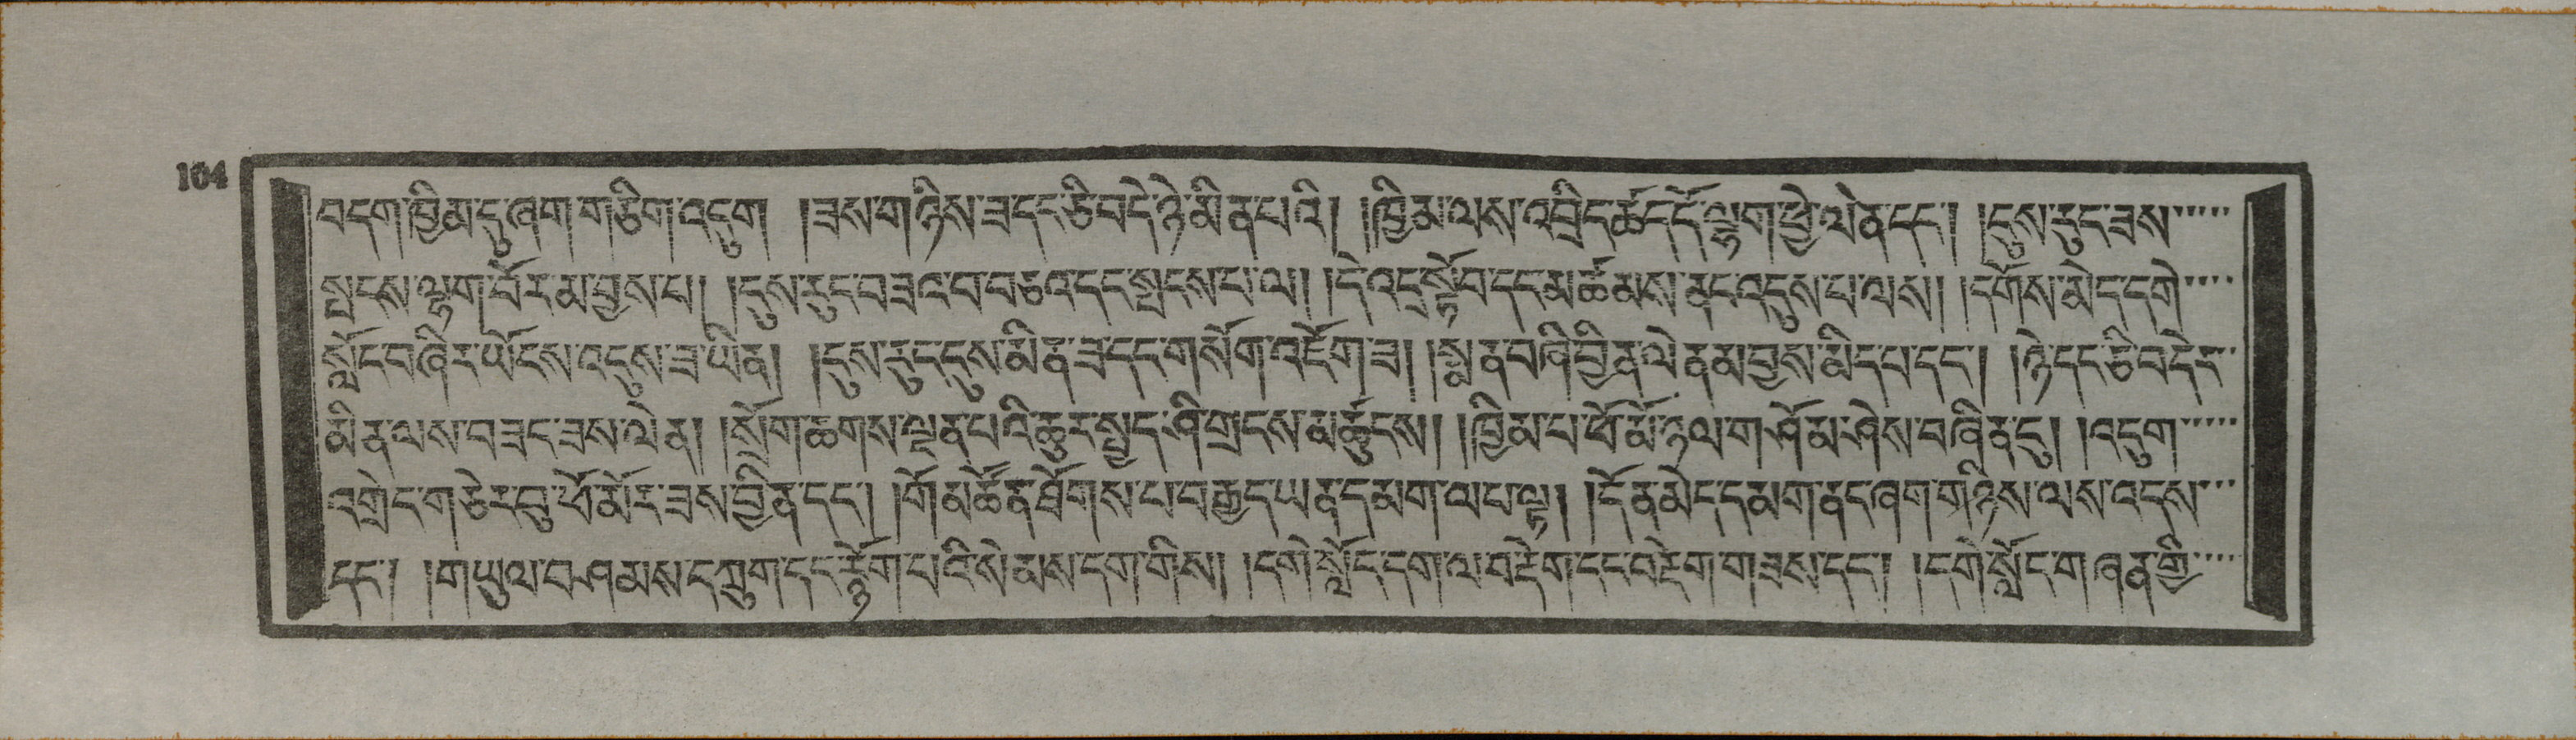བདག་ཁྱིམ་དུ་ཞག་གཅིག་འདུག །ཟས་གཉིས་ཟ་དང་ཅི་བདེ་ཉེ་མིན་པའི། །ཁྱིམ་ལས་འབྲིད་ཚད་དོ་ལྷག་ཕྱེ་ལེན་དང་། །དུས་རུང་ཟས་
སྤངས་ལྷག་པོར་མ་བྱས་པ། །དུས་རུང་བཟའ་བ་བཅའ་དང་སྤངས་པ་ལ། །དེ་འདྲ་སྟོབ་དང་མཚམས་ནང་འདུས་པ་ལས། །དགོས་མེད་དགེ་
སློང་བཞིར་ཡོངས་འདུས་ཟ་ཡིན། །དུས་རུང་དུས་མིན་ཟ་དང་གསོག་འཇོག་ཟ། །སྨན་བཞི་བྱིན་ལེན་མ་བྱས་མིད་པ་དང་། །ཉེ་དང་ཅི་བདེར་
མིན་ལས་བཟང་ཟས་ལེན། །སྲོག་ཆགས་ལྡན་པའི་ཆུར་སྤྱད་ཤི་གྲངས་མཚུངས། །ཁྱིམ་པ་ཕོ་མོ་ཉལ་གཤོམ་ཤེས་བཞིན་དུ། །འདུག་
འགྲེང་གཅེར་བུ་ཕོ་མོར་ཟས་བྱིན་དང་། །གོ་མཚོན་ཐོགས་པ་བརྒྱད་ཡན་དམག་ལ་བལྟ། །དོན་མེད་དམག་ནང་ཞག་གཉིས་ལས་འདས་
དང་། །གཡུལ་བཤམས་དཀྲུག་དང་རྙོག་པའི་སེམས་དག་གིས། །དགེ་སློང་དག་ལ་བརྡེག་དང་བརྡེག་གཟས་དང་། །དགེ་སློང་གཞན་གྱི་